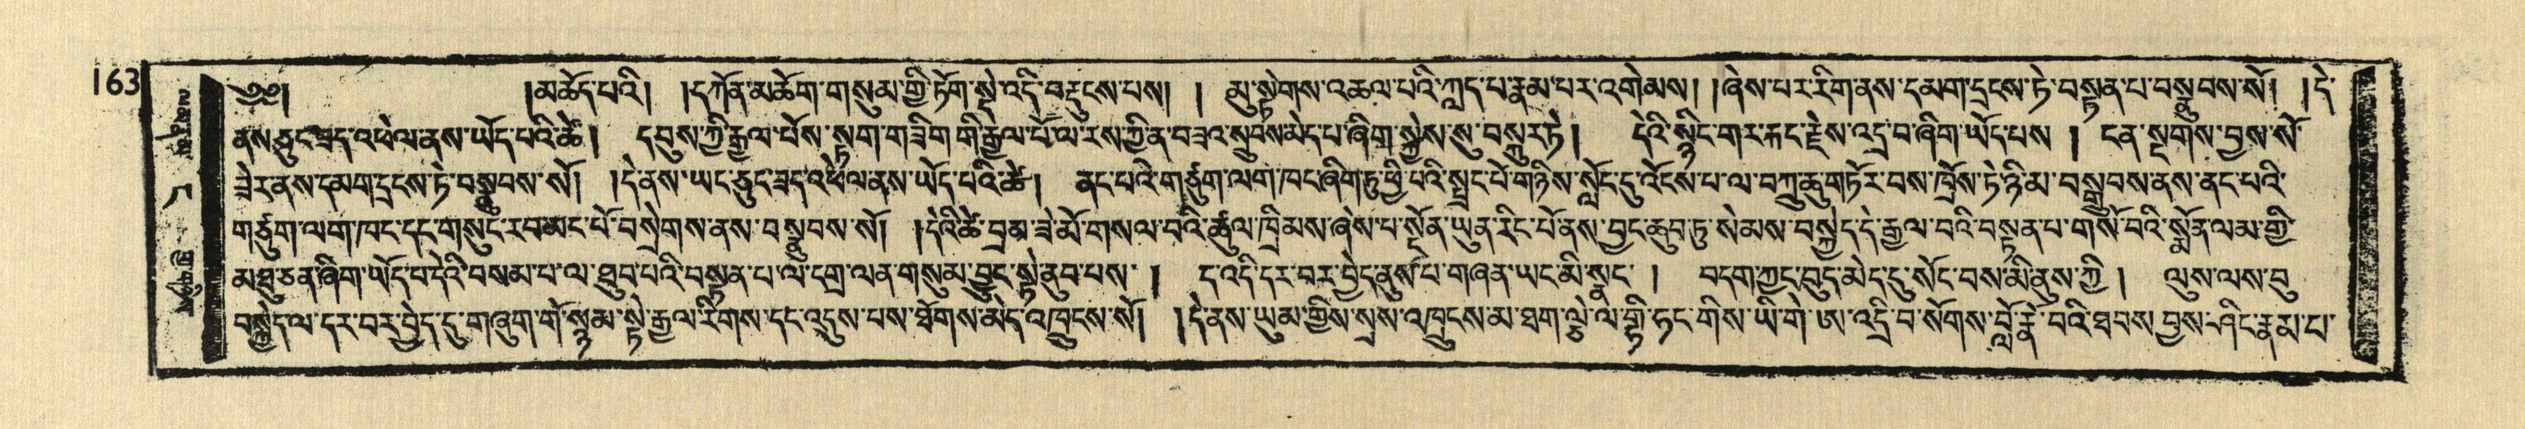༄༅། །མཆོད་པའི། །དཀོན་མཆོག་གསུམ་གྱི་ཏོག་སྡེ་འདི་བརྡུངས་པས། །མུ་སྟེགས་འཆལ་པའི་ཀླད་པ་རྣམ་པར་འགེམས། །ཞེས་པར་རིག་ནས་དམག་དྲངས་ཏེ་བསྟན་པ་བསྣུབས་སོ། །དེ་
ནས་ཅུང་ཟད་འཕེལ་ནས་ཡོད་པའི་ཚེ། དབུས་ཀྱི་རྒྱལ་པོས་སྟག་གཟིག་གི་རྒྱལ་པོ་ལ་རས་ཀྱི་ན་བཟའ་སྲུབས་མེད་པ་ཞིག་སྐྱེས་སུ་བསྐུར་ཏེ། དེའི་སྙིང་གར་རྐང་རྗེས་འདྲ་བ་ཞིག་ཡོད་པས། ངན་སྔགས་བྱས་སོ་
ཟེར་ནས་དམག་དྲངས་ཏེ་བསྣུབས་སོ། །དེ་ནས་ཡང་ཅུང་ཟད་འཕེལ་ནས་ཡོད་པའི་ཚེ། ནང་པའི་གཙུག་ལག་ཁང་ཞིག་ཏུ་ཕྱི་པའི་སྤྲང་པོ་གཉིས་སློང་དུ་འོངས་པ་ལ་བཀྲུ་ཆུ་གཏོར་བས་ཁྲོས་ཏེ་ཉི་མ་བསྒྲུབས་ནས་ནང་པའི་
གཙུག་ལག་ཁང་དང་གསུང་རབ་མང་པོ་བསྲེགས་ནས་བསྣུབས་སོ། །དེའི་ཚེ་བྲམ་ཟེ་མོ་གསལ་བའི་ཚུལ་ཁྲིམས་ཞེས་པ་སྔོན་ཡུན་རིང་པོ་ནས་བྱང་ཆུབ་ཏུ་སེམས་བསྐྱེད་དེ་རྒྱལ་བའི་བསྟན་པ་གསོ་བའི་སྨོན་ལམ་གྱི་
མཐུ་ཅན་ཞིག་ཡོད་པ་དེའི་བསམ་པ་ལ་ཐུབ་པའི་བསྟན་པ་ལ་དགྲ་ལན་གསུམ་བྱུང་སྟེ་ནུབ་པས། ད་འདི་དར་བར་བྱེད་ནུས་པ་གཞན་ཡང་མི་སྣང་། བདག་ཀྱང་བུད་མེད་དུ་སོང་བས་མི་ནུས་ཀྱི། ལུས་ལས་བུ་
བསྐྱེད་ལ་དར་བར་བྱེད་དུ་གཞུག་གོ་སྙམ་སྟེ་རྒྱལ་རིགས་དང་འདུས་པས་ཐོགས་མེད་འཁྲུངས་སོ། །དེ་ནས་ཡུམ་གྱིས་སྲས་འཁྲུངས་མ་ཐག་ལྕེ་ལ་གཞི་ཧང་གིས་ཡི་གེ་ཨ་འདྲི་བ་སོགས་བློ་རྣོ་བའི་ཐབས་བྱས་ཤིང་རྣམ་པ་